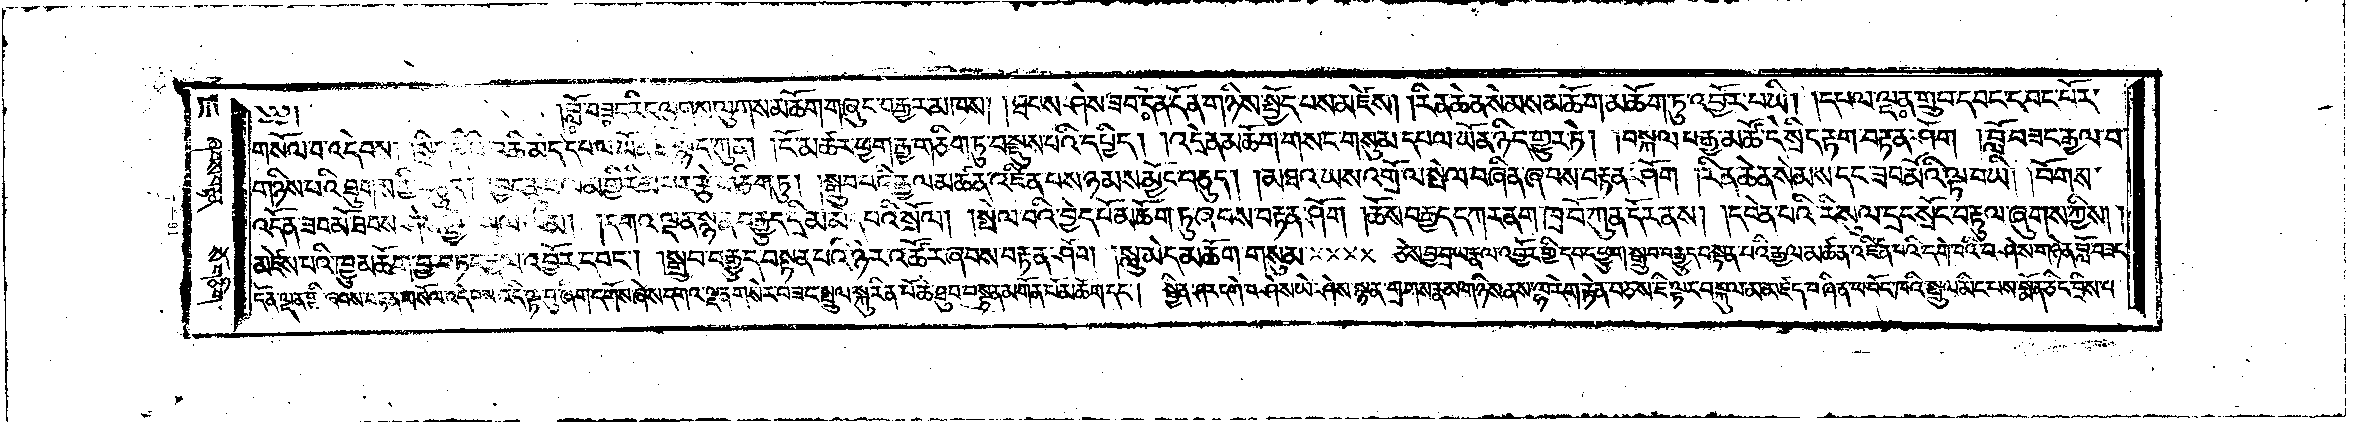༄༅། །བློ་བཟང་རིང་ལུགས་ལུགས་མཆོག་གཞུང་བརྒྱར་མཁས། །ཐབས་ཤེས་ཟབ་དོན་དོན་གཉིས་སྤྱོད་པས་མཛེས། །རིན་ཆེན་སེམས་མཆོག་མཆོག་ཏུ་འབྱོར་པ་ཡི། །དཔལ་ལྡན་གྲུབ་དབང་དབང་པོར་
གསོལ་བ་འདེབས། །སྲིད་ཞིའི་འཆི་མེད་དཔལ་ཡོན་ཇི་སྙེད་ཀུན། །ངོ་མཚར་ཕྱག་རྒྱ་གཅིག་ཏུ་བསྡུས་པའི་དཔྱིད། །འདྲེན་མཆོག་གསང་གསུམ་དཔལ་ཡོན་ཉིད་གྱུར་ཏེ། །བསྐལ་བརྒྱ་མཚོ་དེ་སྲིད་རྟག་བརྟན་ཤོག །བློ་བཟང་རྒྱལ་བ་
གཉིས་པའི་ཐུགས་ཀྱི་བཅུད། །བྱང་ཆུབ་ལམ་གྱི་རིམ་པར་རྩེ་གཅིག་ཏུ། །སྒྲུབ་པའི་རྒྱལ་མཚན་འཛིན་པས་ཉམས་མྱོང་བཅུད། །མཐའ་ཡས་འགྲོ་ལ་སྤེལ་བཞིན་ཞབས་བརྟན་ཤོག །རིན་ཆེན་སེམས་དང་ཟབ་མོའི་ལྟ་བ་ཡི། །བོགས་
འདོན་ཟབ་མོ་ཐབས་ཤེས་སྤྱོད་ཡུལ་ལམ། །དགའ་ལྡན་སྙན་བརྒྱུད་དྲི་མ་མེད་པའི་སྲོལ། །སྤེལ་བའི་བྱེད་པོ་མཆོག་ཏུ་ཞབས་བརྟན་ཤོག །ཆོས་བརྒྱད་དཀར་ནག་ཁྲ་བོ་ཀུན་དོར་ནས། །དབེན་པའི་རི་སུ་ལ་དྲང་སྲོང་བརྟུལ་ཞུགས་ཀྱིས། །
མཛེས་པའི་ཁྱུ་མཆོག་བྱ་བཏང་རྣལ་འབྱོར་དབང་། །སྒྲུབ་བརྒྱུད་བསྟན་པའི་ཉེར་འཚོར་ཞབས་བརྟན་ཤོག །སླུ་མེད་མཆོག་གསུམ་྾྾྾་ཅེས་བྱ་བྲལ་རྣལ་འབྱོར་གྱི་དབང་ཕྱུག་སྒྲུབ་བརྒྱུད་བསྟན་པའི་རྒྱལ་མཚན་འཛིན་པའི་དགེ་བའི་བཤེས་གཉེན་བློ་བཟང་
དོན་ལྡན་གྱི་ཞབས་བརྟན་གསོལ་འདེབས་འདི་ལྟ་བུ་ཞིག་དགོས་ཞེས་དགའ་ལྡན་གསེར་བཟང་སྤྲུལ་སྐུ་རིན་པོ་ཆེ་ཐུབ་བསྟན་མགོན་པོ་མཆོག་དང་། སྦྱིན་ཤར་དགེ་བཤེས་ཡེ་ཤེས་སྙན་གྲགས་རྣམ་གཉིས་ནས་ལྷ་རེ་རྟེན་བཅས་ཇི་ལྟར་བསྐུལ་མ་མཛད་བཞིན་ཕ་བོང་ཁའི་སྦྲུལ་མིང་པས་སྨོན་ཅིང་གྲིས་པ་